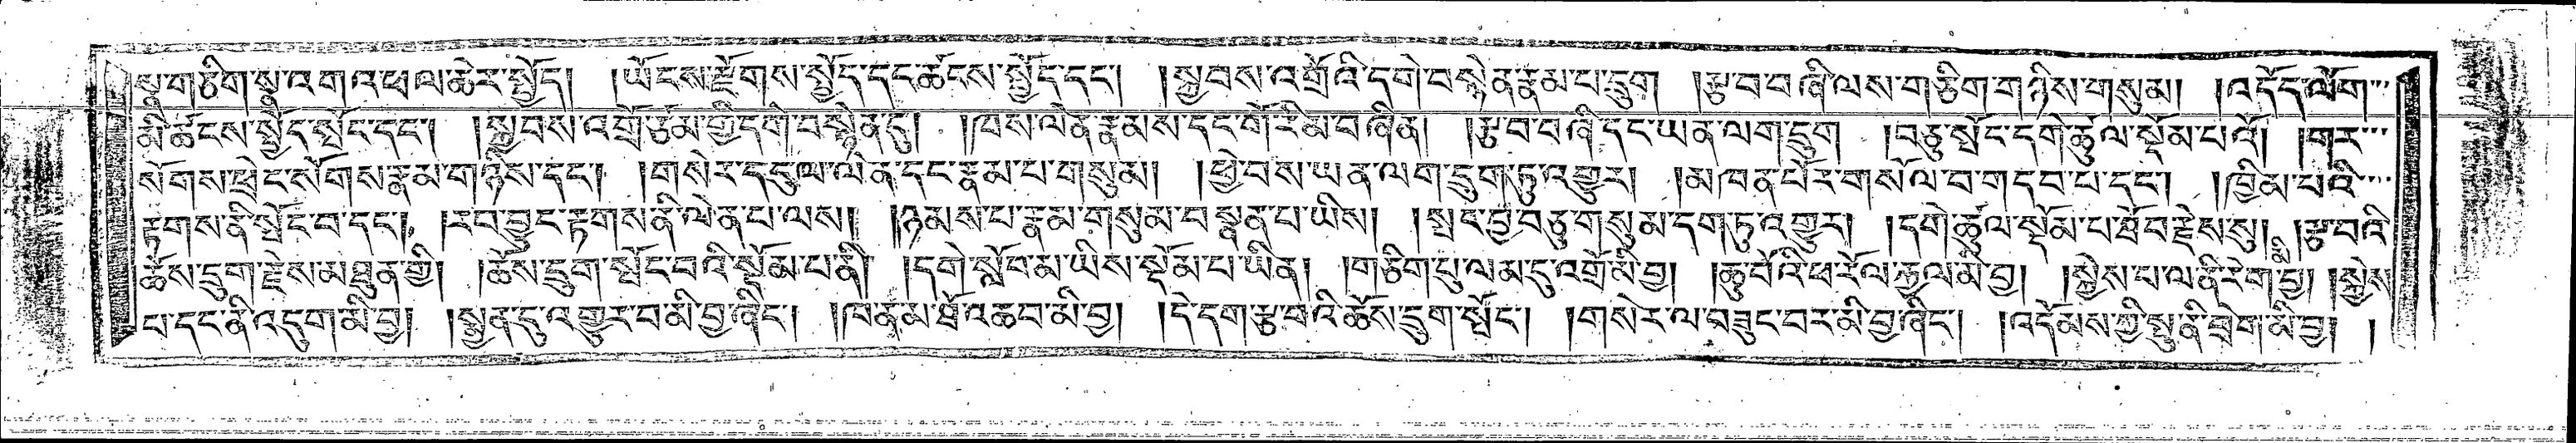སྣ་གཅིག་སྣ་འགའ་ཕལ་ཆེར་སྤྱོད། །ཡོངས་རྫོགས་སྤྱོད་དང་ཚངས་སྤྱོད་དང་། །སྐྱབས་འགྲོའི་དགེ་བསྙེན་རྣམ་པ་དྲུག །རྩ་བ་བཞི་ལས་གཅིག་གཉིས་གསུམ། །འདོད་ལོག་
མི་ཚངས་སྤྱོད་སྤོང་དང་། །སྐྱབས་འགྲོ་ཙམ་གྱི་དགེ་བསྙེན་དུ། །ཁས་ལེན་རྣམས་དང་གོ་རིམ་བཞིན། །རྩ་བ་བཞི་དང་ཡན་ལག་དྲུག །བཅུ་སྤོང་དགེ་ཚུལ་སྡོམ་པའོ། །གར་
སོགས་ཕྲེང་སོགས་རྣམ་གཉིས་དང་། གསེར་དངུལ་ལེན་དང་རྣམ་པ་གསུམ། །ཕྱེ་བས་ཡན་ལག་དྲུག་ཏུ་འགྱུར། །མཁན་པོར་གསོལ་བ་གདབ་པ་དང་། །ཁྱིམ་པའི་
རྟགས་ནི་སྤོང་བ་དང་། །རབ་བྱུང་རྟགས་ནི་ལེན་པ་ལས། །ཉམས་པ་རྣམ་གསུམ་བསྣན་པ་ཡིས། །སྤང་བྱ་བཅུ་གསུམ་དག་ཏུ་འགྱུར། །དགེ་ཚུལ་སྡོམ་པ་ཐོབ་རྗེས་སུ། །རྩ་བའི་
ཆོས་དྲུག་རྗེས་མཐུན་གྱི། །ཆོས་དྲུག་སྤོང་བའི་སྡོམ་པ་ནི། །དགེ་སློབ་མ་ཡིས་སྡོམ་པ་ཡིན། །གཅིག་པུ་ལམ་དུ་འགྲོ་མི་བྱ། །ཆུ་པོའི་ཕ་རོལ་རྐྱལ་མི་བྱ། །སྐྱེས་པ་ལ་ནི་རེག་མི་བྱ། །སྐྱེས་
པ་དང་ནི་འདུག་མི་བྱ། །སྨྱན་དུ་འགྱུར་བ་མི་བྱ་ཞིང་། །ཁ་ན་མ་ཐོ་འཆབ་མི་བྱ། །དེ་དག་རྩ་བའི་ཆོས་དྲུག་སྤོང་། །གསེར་ལ་བཟུང་བར་མི་བྱ་ཞིང་། །འདོམས་ཀྱི་སྤུ་ནི་བྲེག་མི་བྱ། །